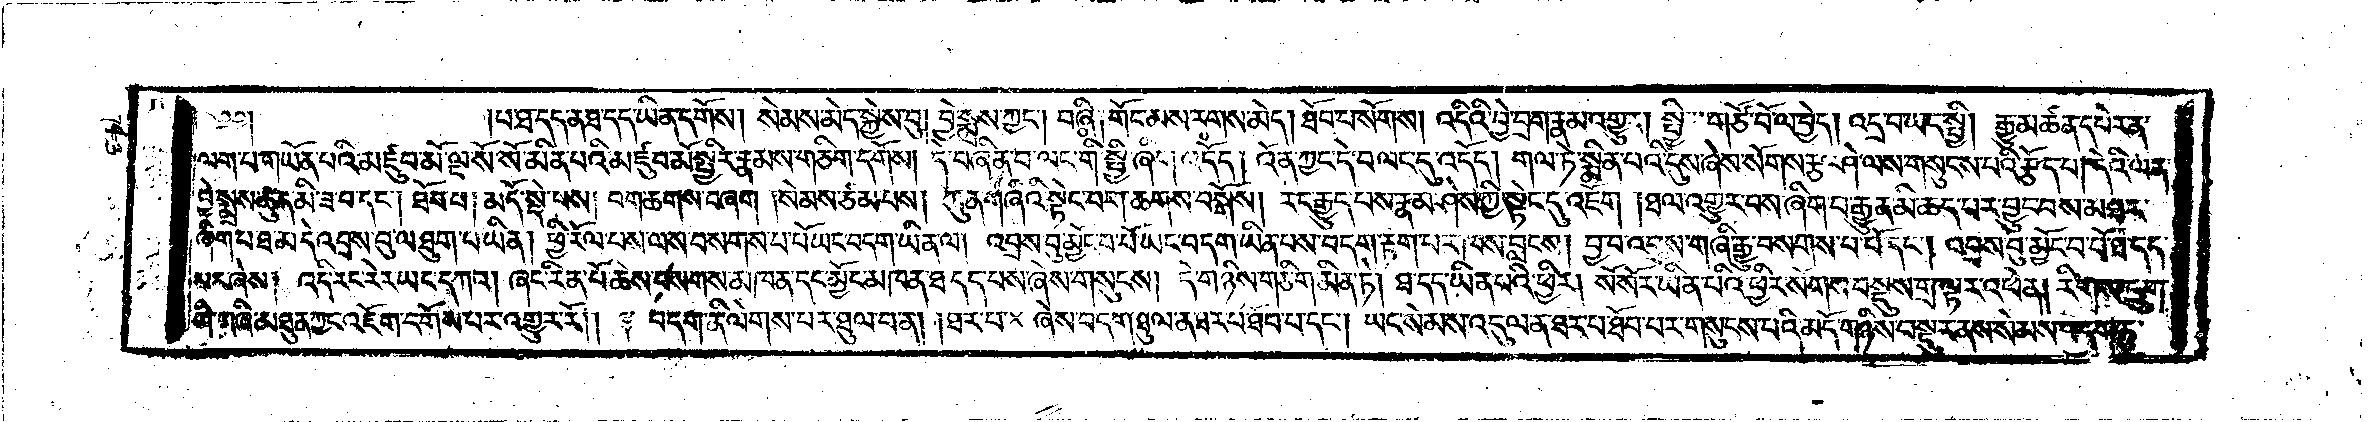༄༅། །པ་ཐ་དད་ན་ཐ་དད་ཡིན་དགོས། སེམས་མེད་སྐྱེས་བུ། བྱེ་སྨྲས་ཀྱང་། བཞི༑ གོང་མས་རགས་མེད། ཐོབ་པ་སོགས། འདིའི་བྱེ་བྲག་རྣམ་འགྱུར། སྤྱི་གཙོ་བོ་ལ་བྱེད། འདྲ་བ་ཡང་སྤྱི། རྒྱུ་མཚན་དཔེར་ན་
ལག་པ་གཡོན་པའི་མཛུབ་མོ་ལྔ་སོ་སོ་མིན་པའི་མཛུབ་མོ་སྤྱིར་རྣམས་གཅིག་དགོས། དེ་བཞིན་བ་ལང་གི་སྤྱི་ཞིག་འདོད། འོན་ཀྱང་དེ་བ་ལང་དུ་འདོད། གལ་ཏེ་སྨིན་པའི་དུས་ཞེས་སོགས་རྩ་ཤེ་ལས་གསུངས་པའི་རྩོད་པ། དེའི་ལན་
བྱེ་སྨྲས་ཚུད་མི་ཟ་བ་དང་། ཐོབ་པ། མདོ་སྡེ་པས། བག་ཆགས་བཞག །སེམས་ཙམ་པས། ཀུན་གཞིའི་སྟེང་བག་ཆགས་བསྒོས། རང་རྒྱུད་པས་རྣམ་ཤེས་ཀྱི་སྟེང་དུ་འཇོག །ཐལ་འགྱུར་བས་ཞིག་བ་རྒྱུན་མི་ཆད་པར་བྱུང་བས་མཐར་
ཞིག་པ་ཐ་མ་དེ་འབྲས་བུ་ལ་ཐུག་པ་ཡིན། ཕྱི་རོལ་པས་ལས་བསགས་པ་པོ་ཡང་བདག་ཡིན་ལ། འབྲས་བུ་མྱོང་བ་པོ་ཡང་བདག་ཡིན་པས་བདག་རྟག་པར་ཁས་བླངས། བྱ་བ་འབྲས་གཞི་རྒྱུ་བསགས་པ་པོ་དང་། འབྲས་བུ་མྱོང་བ་པོ་ཐ་དད་
པར་ཞེས། འདི་རང་རེར་ཡང་དཀའ། ཞང་རིན་པོ་ཆེས་བསགས་མཁན་དང་མྱོང་མཁན་ཐ་དད་པས་ཞེས་གསུངས། དེ་གཉིས་གཅིག་མིན་ཏེ། ཐ་དད་ཡིན་པའི་ཕྱིར། སོ་སོར་ཡིན་པའི་ཕྱིར་སོགས་བསྡུས་གྲ་ལྟར་འཕེན། རིགས་དྲུག་
ཞི་གཞི་མཐུན་ཀྱང་འཇོག་དགོས་པར་འགྱུར་རོ།། ༈ བདག་ནི་ལེགས་པར་ཐུལ་བ་ན། །ཐར་པ་྾་ཞེས་བདག་ཐུལ་ན་ཐར་པ་ཐོབ་པ་དང་། ཡང་སེམས་འདུལ་ན་ཐར་པ་ཐོབ་པར་གསུངས་པའི་མདོ་གཉིས་བསྡུར་ནས་སེམས་བདག་ཏུ་